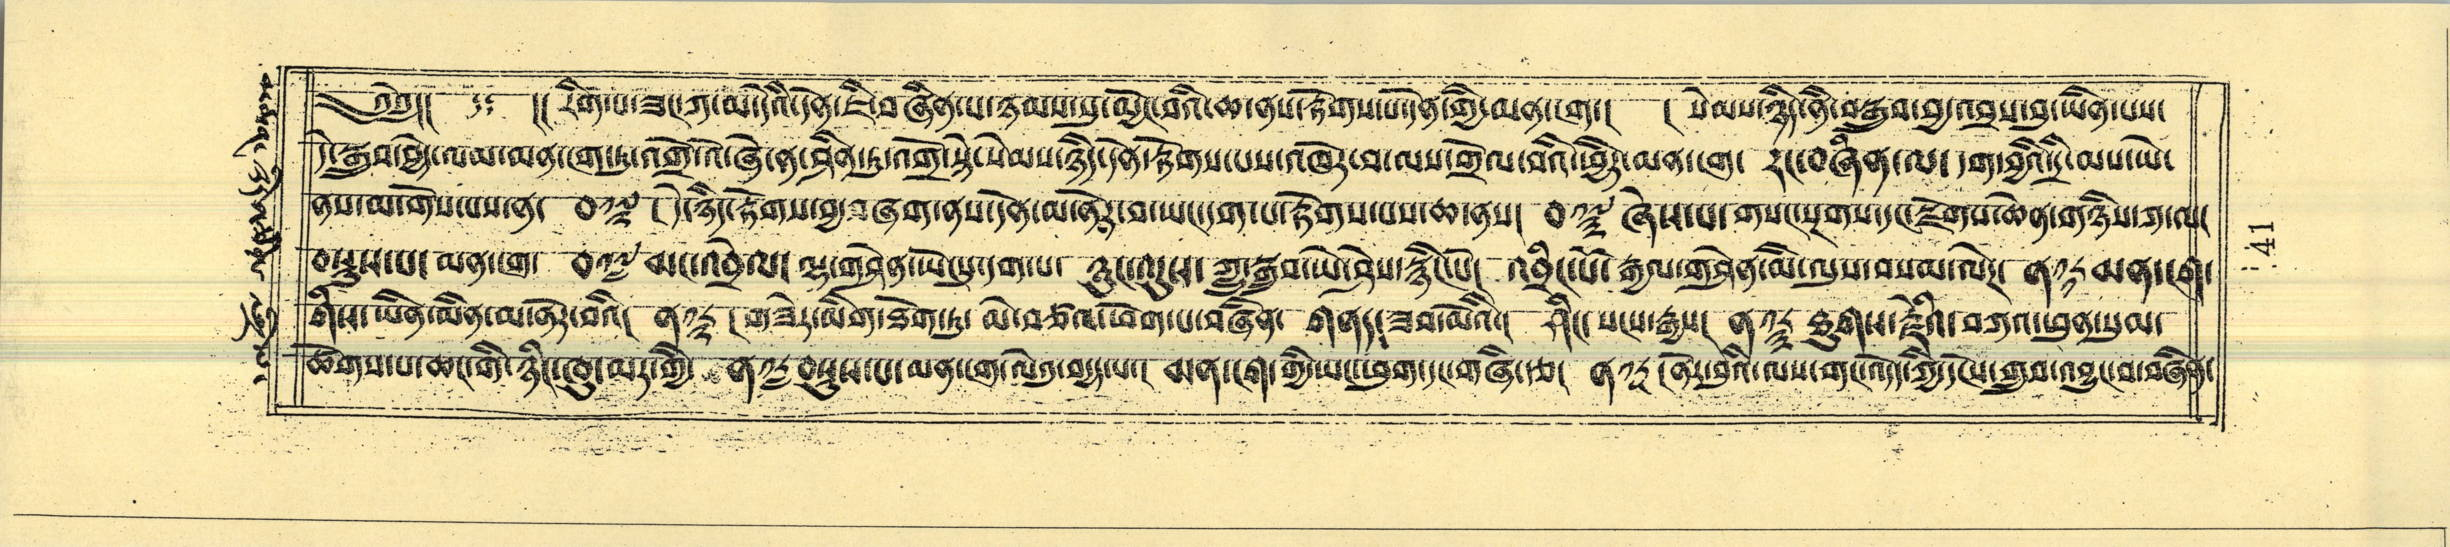རིག་པ་ཟང་ཀ་མ་དེའི་དོན་ཇི་བཞིན་པ་ཉམས་སུ་མྱོང་བའི་ཆ་ནས་རྟོགས་པ་དོན་གྱི་མན་ངག སེམས་ཉིད་ནི་བསྒྲུབ་བྱ་འབྲས་བུ་ཡིན་པས། 
དེ་སྒྲུབ་བྱེད་ལམ་མན་ངག་ཏུ་འགྲོའོ་ཞེ་ན་ཤིན་ཏུ་འགྲོ་སྟེ་སེམས་ཉིད་དོན་རྟོགས་པས་འཁོར་བ་ལས་གྲོལ་བའི་ཕྱིར་མན་ངག་ རང་བཞིན་ལ་དག་བྱའི་དྲི་མས་ཡེ་
ནས་མ་གོས་པས་ན་ བ༡༧།༢ དེ་ཉིད་རྟོགས་བྱ་བཞག་ནས་དོན་མ་ནོར་བ་ཡང་དག་པ་རྟོགས་པའི་ཆ་ནས་ བ༡༧།༣ ཞེས་པ་གསང་སྔགས་དང་རྫོགས་ཆེན་གཉིས་ཀ་ལ་
བསྡུས་པ་མན་ངག་ བ༡༧།༤ མང་འབྲེལ་ལྷ་གཤེན་ཡོངས་སུ་དག་པ་ ཉུང་འདུས་ཀླུ་སྒྲུབ་ཡེ་ཤེས་སྙིང་པོ་ འབྲིང་པོ་རྒྱལ་གཤེན་མི་ལུས་བསམ་ལེགས་ ན༡༨།༡ མན་ངག་
གིས་ཡིན་མིན་མ་ནོར་བའི་ ན༡༨།༢ གཟེར་མིག་ཐོག་ཏུ་མེ་བཙའ་ཕོག་པ་བཞིན་ གནད་ཟབ་མོའི་ ཤིང་སངས་རྒྱས་ ན༡༨།༣ ཐུགས་རྗེའི་བཀའ་ཕུན་སུམ་
ཚོགས་པ་ཆང་གི་ཉིང་ཁུ་མར་གྱི་ ན༡༨།༤ བསྡུས་པ་མན་ངག་ལེའུ་བརྒྱད་པ་ མན་ངག་གྱི་ཡང་ཕུག་དང་བཞི་རྩ་ ན༡༨།༥ནོར་བུའི་ལས་གང་འདོད་ཀྱི་དངོས་གྲུབ་འབྱུང་བ་བཞིན་